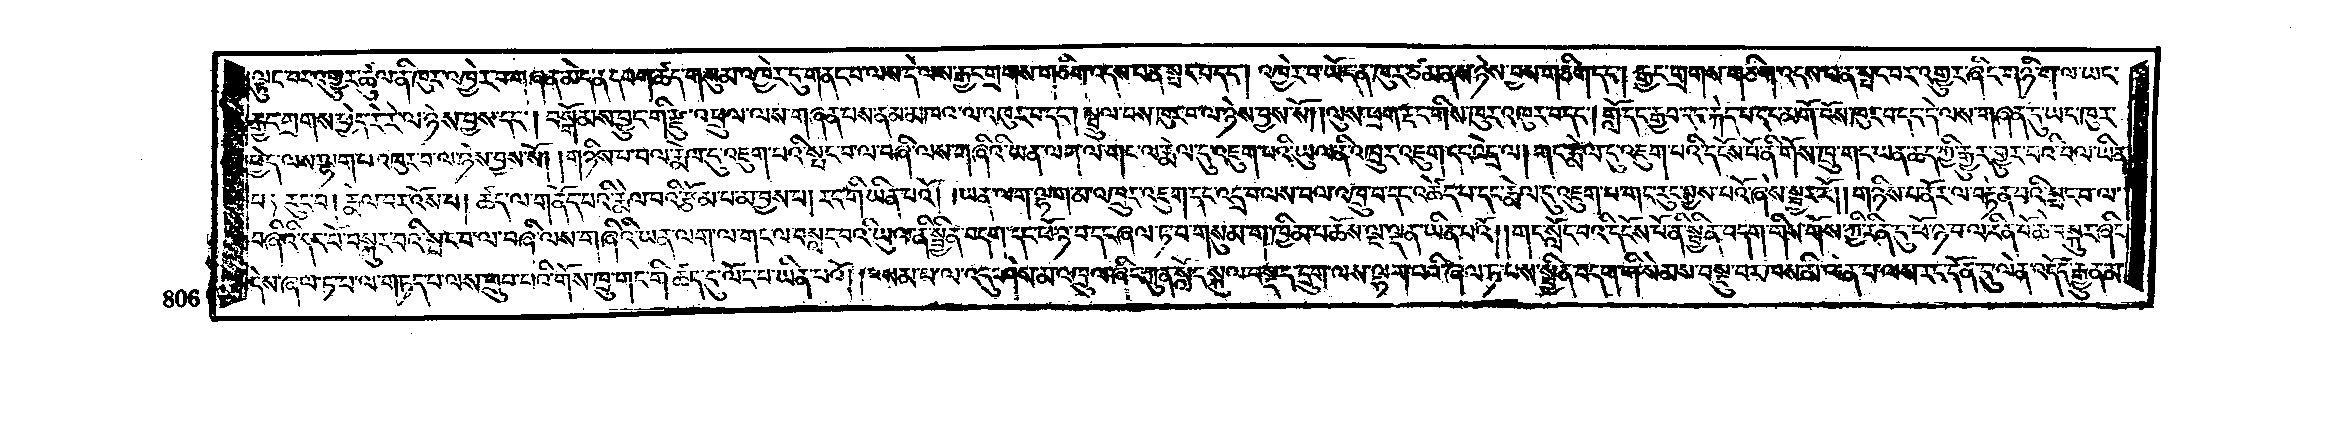ལྟུང་བར་འགྱུར་ཚུལ་ནི་ཁུར་འཁྱེར་བ་གཞན་མེད་ན་དཔག་ཚད་གསུམ་འཁྱེར་དུ་གནང་བ་ལས་དེ་ལས་རྒྱང་གྲགས་གཅིག་འདས་པ་ན་སྤང་བ་དང་། འཁྱེར་བ་ཡོད་ན་ཁུར་ཙམ་ནས་ཉེས་བྱས་གཅིག་དང་། རྒྱང་གྲགས་གཅིག་འདས་པ་ན་སྤང་བར་འགྱུར་ཞིང་གཉི་ག་ལ་ཡང་
རྒྱང་གྲགས་ཕྱེད་རེ་རེ་ལ་ཉེས་བྱས་དང་། བསྒོམས་བྱུང་གི་རྫུ་འཕྲུལ་ལས་གཞན་པས་ནམ་མཁའ་ལ་འཁུར་བ་དང་། སྤྲུལ་པས་ཁུར་བ་ལ་ཉེས་བྱས་སོ། །ལུས་ཕྲག་རྡང་གིས་འཁུར་འཁུར་བ་དང་། གློ་དང་རྒྱབ་དང་རྐེད་པ་དང་མགོ་བོས་ཁུར་བ་དང་དེ་ལས་གཞན་དུ་ཡང་ཁུར་
ཕྱེད་ལས་ལྷག་པ་འཁུར་བ་ལ་ཉེས་བྱས་སོ། །གཉིས་པ་བལ་རྨེལ་དུ་འཇུག་པའི་སྤང་བ་ལ་བཞི་ལས་གཞིའི་ཡན་ལག་ལ་གང་ལ་རྨེལ་དུ་འཇུག་པའི་ཡུལ་ནི་འཁྲུར་འཇུག་དང་འདྲེ་ལ། གང་རྨེལ་དུ་འཇུག་པའི་དངོས་པོ་ནི་གོས་ཁྲུ་གང་ཡན་ཆད་ཀྱི་རྒྱུར་གྱུར་པའི་བལ་ཡིན་
པ༑ རུང་བ། རྨེལ་བར་འོས་པ། ཚད་ལ་གནོད་པའི་རྨེལ་བའི་རྩོམ་པ་མ་བྱས་པ། རང་གི་ཡིན་པའོ། །ཡན་ལག་ལྷག་མ་འཁྲུར་འཇུག་དང་འདྲ་བ་ལས་བལ་འཁྲུ་བ་དང་འཚེད་པ་དང་རྨེལ་དུ་འཇུག་པ་གང་རུང་བྱས་པའོ་ཞེས་སྦྱར་རོ། །གཉིས་པ་ནོར་ལ་བརྟེན་པའི་སྤང་བ་ལ་
བཞིའི་དང་པོ་བསྐུར་བའི་སྤང་བ་ལ་བཞི་ལས་གཞིའི་ཡན་ལག་ལ་གང་ལ་བསླང་བའི་ཡུལ་ནི་སྦྱིན་བདག་དང་ཕོ་ཉ་བ་དང་ཞལ་ཏ་པ་གསུམ་ག་ཁྱིམ་པ་ཆོས་ལྔ་ལྡན་ཡིན་པའོ། །གང་སློང་བའི་དངོས་པོ་ནི་སྦྱིན་བདག་གིས་གོས་ཀྱི་རིན་དུ་ཕོ་ཉ་བ་ལ་རིན་པོ་ཆེ་བསྐུར་ཞིང་
དེས་ཞལ་ཏ་པ་ལ་གཏད་པ་ལས་གྲུབ་པའི་གོས་ཁྲུ་གང་གི་ཚད་དུ་ལོང་པ་ཡིན་པའོ། །བསམ་པ་ལ་འདུ་ཤེས་མ་འཁྲུལ་ཞིང་ཀུན་སློང་སྐུལ་བསྡད་དྲུག་ལས་ལྷག་པའི་ཞལ་ཏ་པས་སྦྱིན་བདག་གི་སེམས་བསྡུ་བར་ཁས་མི་ལེན་པ་ལས་རང་དོན་དུ་ལེན་འདོད་རྒྱུན་མ་